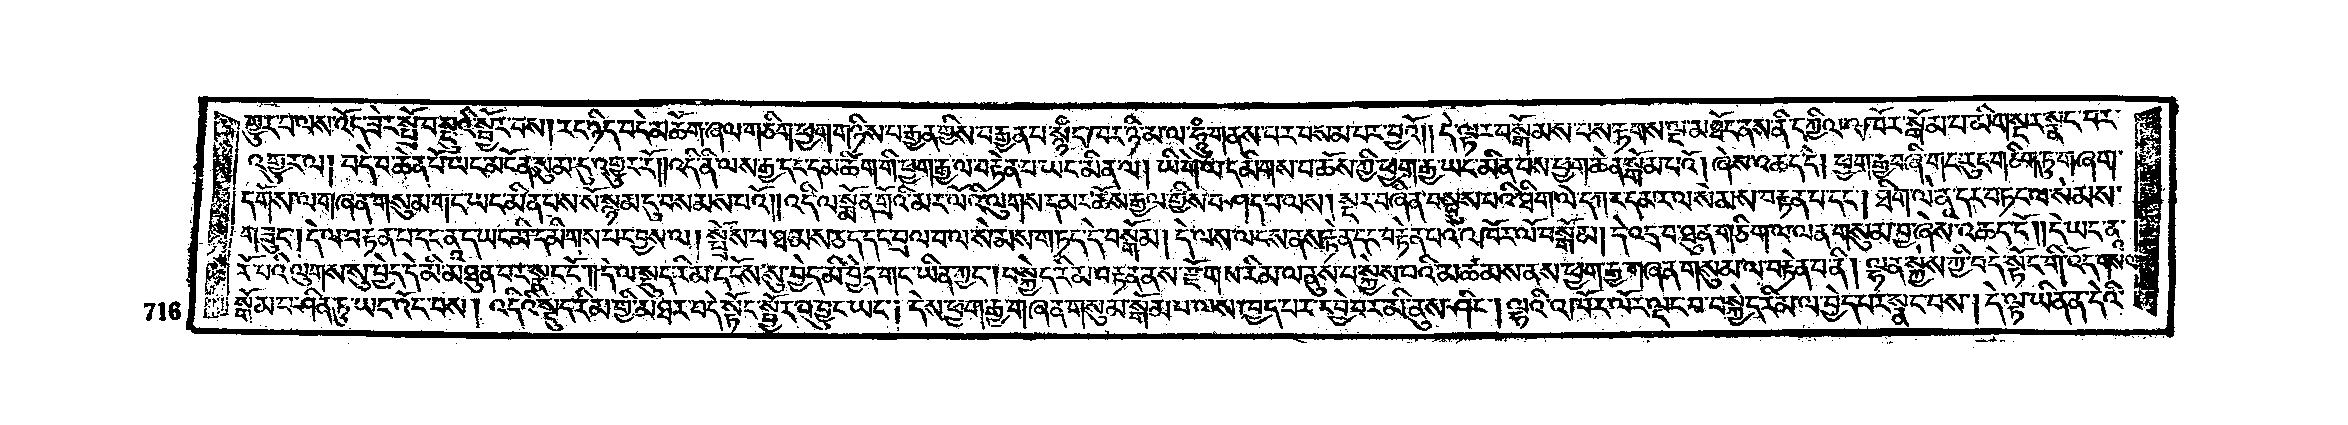གྱུར་པ་ལས་འོད་ཟེར་སྤྲོ་བསྡུའི་སྦྱོར་བས། རང་ཉིད་བདེ་མཆོག་ཞལ་གཅིག་ཕྱག་གཉིས་པ་རྒྱན་གྱིས་བརྒྱན་པ་སྙིང་ཁར་ཉི་མ་ལ་ཧཱུཾ་གནས་པར་བསམ་པར་བྱའོ། །དེ་ལྟར་བསྒོམས་པས་རྟགས་ལྔ་མཐོང་ནས་ནི་དཀྱིལ་འཁོར་སྒོམ་པ་མིག་སྔར་སྣང་བར་
འགྱུར་ལ། བདེ་བ་ཆེན་པོ་ཡང་མངོན་སུམ་དུ་འགྱུར་རོ། །འདི་ནི་ལས་རྒྱ་དང་དམ་ཚིག་གི་ཕྱག་རྒྱ་ལ་བརྟེན་པ་ཡང་མིན་ལ། ཡི་གེ་ལ་དམིགས་པ་ཆོས་ཀྱི་ཕྱག་རྒྱ་ཡང་མིན་པས་ཕྱག་ཆེན་སྒོམ་པའོ། ཞེས་འཆད་དེ། ཕྱག་རྒྱ་བཞི་གང་རུང་གཅིག་ཏུ་གཞག་
དགོས་ལ་གཞན་གསུམ་གང་ཡང་མིན་པས་སོ་སྙམ་དུ་བསམས་པའོ། །འདི་ལ་སྨོན་གྲོའི་མར་ལོའི་ལུགས་དམར་ཆོས་རྒྱལ་གྱིས་བཤད་པ་ལས། སྔར་བཞིན་བསྡུས་པའི་ཐིག་ལེ་དཀར་དམར་ལ་སེམས་བརྟན་པ་དང་། ཐིག་ལེ་ནཱ་དར་བཏང་ལ་སེམས་
གཟུང་། དེ་ལ་བརྟན་པ་དང་ནཱ་ད་ཡང་མི་དམིགས་པར་བྱས་ལ། སྤྲོས་པ་ཐམས་ཅད་དང་བྲལ་བ་ལ་སེམས་གཏད་དེ་བསྒོམ། དེ་ལས་ལངས་ནས་རྟེན་དང་བརྟེན་པའི་འཁོར་ལོ་བསྒོམ། དེ་འདྲ་བ་ཐུན་གཅིག་ལ་ལན་གསུམ་བྱ་ཞེས་འཆད་ངོ། །དེ་ཡང་ནཱ་
རོ་པའི་ལུགས་སུ་བྱེད་དེ་མི་མཐུན་བར་སྣང་ངོ། །དེ་ལ་སྡུད་རིམ་དངོས་སུ་བྱེད་མི་བྱེད་གང་ཡིན་ཀྱང་། བསྐྱེད་རིམ་བརྟན་ནས་རྫོགས་རིམ་ལ་ནུས་པ་སྐྱེས་པའི་མཚམས་ནས་ཕྱག་རྒྱ་གཞན་གསུམ་ལ་བརྟེན་པ་ནི། ལྷན་སྐྱེས་ཀྱི་བདེ་སྟོང་གི་འོད་གསལ་
སྒོམ་པ་ཤིན་ཏུ་ཡང་འོང་བས། འདིའི་སྡུད་རིམ་གྱི་མཐར་བདེ་སྟོང་སྦྱོར་བ་བྱུང་ཡང་། དེས་ཕྱག་རྒྱ་གཞན་གསུམ་སྒོམ་པ་ལས་ཁྱད་པར་དབྱེ་བར་མི་ནུས་ཤིང་། ལྷའི་འཁོར་ལོར་ལྡང་བ་བསྐྱེད་རིམ་ལ་བྱེད་པར་སྣང་བས། དེ་ལྟ་ཡིན་ན་དེའི་